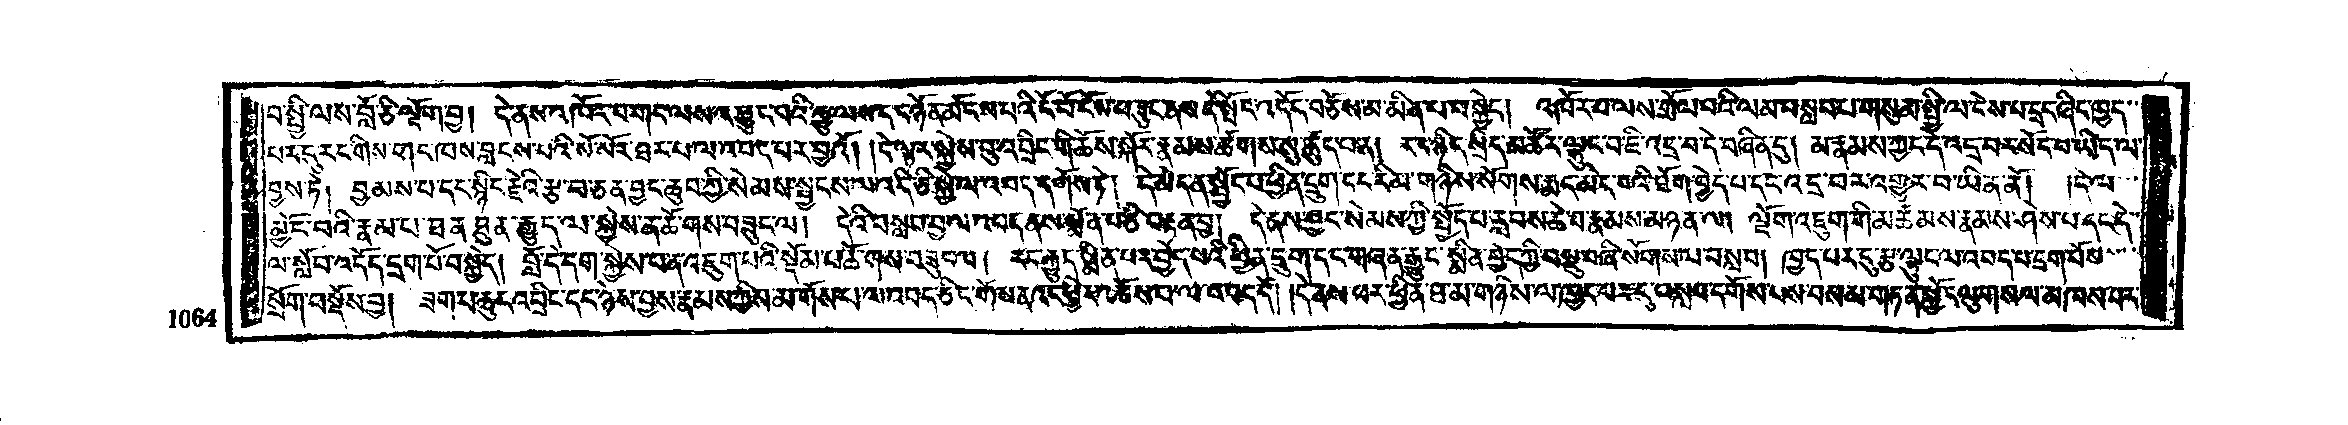བ་སྤྱི་ལས་བློ་ཅི་ལྡོག་བྱ། དེ་ནས་འཁོར་བ་གང་ལས་འབྱུང་བའི་རྒྱུ་ལས་དང་ཉོན་མོངས་པའི་ངོ་བོ་ངོས་བཟུང་ནས་དེ་སྤོང་འདོད་བཅོས་མ་མིན་པ་བསྐྱེད། འཁོར་བ་ལས་གྲོལ་བའི་ལམ་བསླབ་པ་གསུམ་སྤྱི་ལ་ངེས་པ་དྲང་ཞིང་ཁྱད་
པར་དུ་རང་གིས་གང་ཁས་བླངས་པའི་སོ་སོར་ཐར་པ་ལ་འབད་པར་བྱའོ། །དེ་ལྟར་སྐྱེས་བུ་འབྲིང་གི་ཆོས་སྐོར་རྣམས་ཚགས་སུ་ཚུད་པ་ན། རང་ཉིད་སྲིད་མཚོར་ལྷུང་བ་ཇི་འདྲ་བ་དེ་བཞིན་དུ། མ་རྣམས་ཀྱང་དེ་འདྲ་བར་སོང་བ་ཡིད་ལ་
བྱས་ཏེ། བྱམས་པ་དང་སྙིང་རྗེའི་རྩ་བ་ཅན་བྱང་ཆུབ་ཀྱི་སེམས་སྦྱངས་ལ་འདི་ཅི་སྐྱེ་ལ་འབད་དགོས་ཏེ། དེ་མེད་ན་སྤྱོད་པ་ཕྱིན་དྲུག་དང་རིམ་གཉིས་སོགས་རྨང་མེད་པའི་ཐོག་བྱེད་པ་དང་འདྲ་བར་འགྱུར་བ་ཡིན་ནོ། །དེ་ལ་
མྱོང་བའི་རྣམ་པ་ཐན་ཐུན་རྒྱུད་ལ་སྐྱེས་ན་ཆོ་གས་བཟུང་ལ། དེའི་བསླབ་བྱ་ལ་འབད་ནས་སྨོན་པ་ཅི་བརྟན་བྱ། དེ་ནས་བྱང་སེམས་ཀྱི་སྤྱོད་པ་རླབས་ཆེ་བ་རྣམས་མཉན་ལ། ལྡོག་འཇུག་གི་མཚམས་རྣམས་ཤེས་པ་དང་དེ་
ལ་སློབ་འདོད་དྲག་པོ་བསྐྱེད། བློ་དེ་དག་སྐྱེས་པ་ན་འཇུག་པའི་སྡོམ་པ་ཆོགས་བཟུང་ལ། རང་རྒྱུད་སྨིན་པར་བྱེད་པའི་ཕྱིན་དྲུག་དང་གཞན་རྒྱུད་སྨིན་བྱེད་ཀྱི་བསྡུ་བཞི་སོགས་ལ་བསླབ། ཁྱད་པར་དུ་རྩ་ལྟུང་ལ་འབད་པ་དྲུག་པོས་
སྲོག་བསྡོས་བྱ། ཟག་པ་ཆུང་འབྲིང་དང་ཉེས་བྱས་རྣམས་ཀྱིས་མ་གོས་པ་ལ་འབད་ཅིང་གོས་ནའང་ཕྱིར་འཆོས་པ་ལ་འབད་དོ། །དེ་ནས་ཕར་ཕྱིན་ཐ་མ་གཉིས་ལ་ཁྱད་པར་དུ་བསླབ་དགོས་པས་བསམ་གཏན་སྐྱོང་ལུགས་ལ་མཁས་པར་